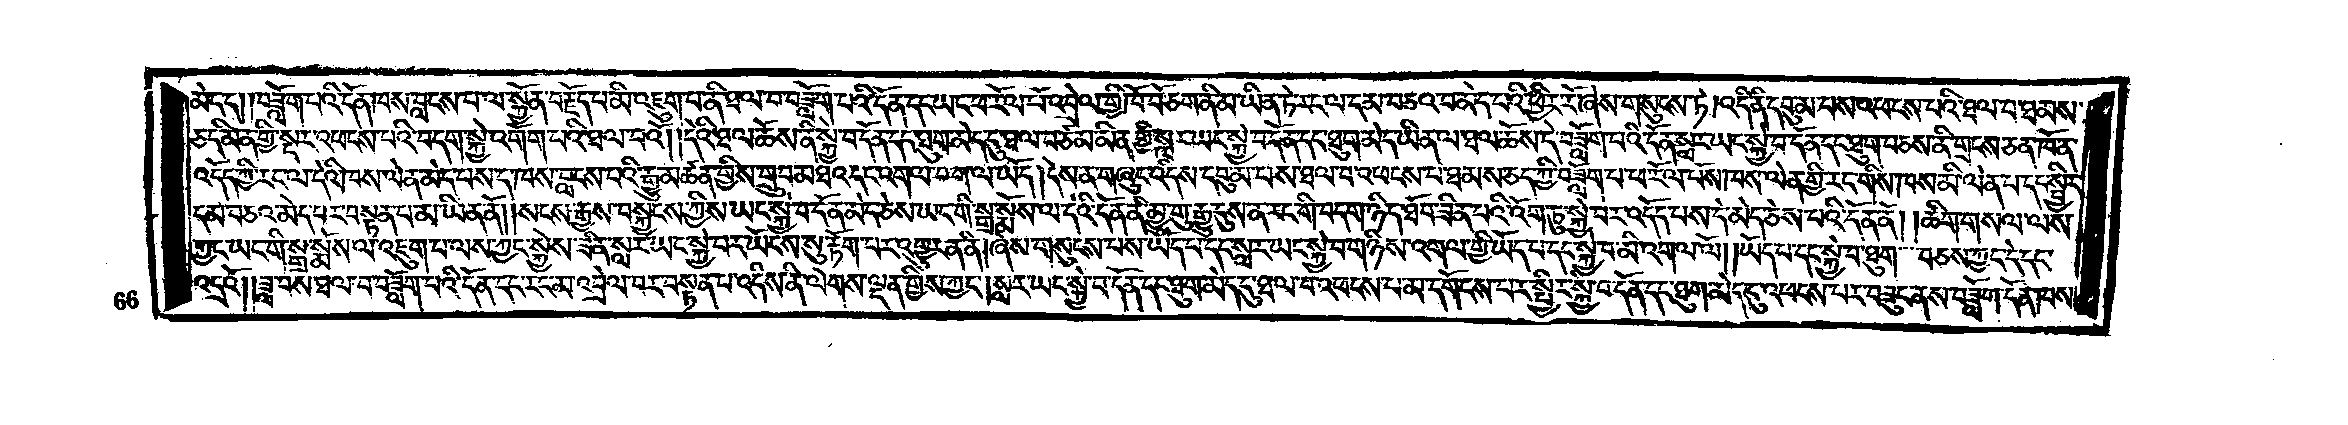མེད་དོ། །བཟློག་པའི་དོན་ཁས་བླངས་པ་ལ་སྐྱོན་བརྗོད་པ་མི་འཇུག་པ་ནི་ཐལ་བ་བཟློག་པའི་དོན་དང་ཡང་ཕ་རོལ་པོ་འབྲེལ་གྱི་ཁོ་བོ་ཅག་ནི་མ་ཡིན་ཏེ་རང་ལ་དམ་བཅའ་བ་མེད་པའི་ཕྱིར་རོ་ཞེས་གསུངས་ཏེ། འདི་ནི་དབུ་མ་པས་འཕངས་པའི་ཐལ་བ་ཐམས་
ཅད་མིན་གྱི་སྔར་འཕངས་པའི་བདག་སྐྱེ་འགོག་པའི་ཐལ་བའོ། །དེའི་ཐལ་ཆོས་ནི་སྐྱེ་བ་དོན་དང་ཐུག་མེད་དུ་ཐལ་བ་ཙམ་མིན་གྱི་སླར་ཡང་སྐྱེ་བ་དོན་དང་ཐུག་མེད་ཡིན་ལ་ཐལ་ཆོས་དེ་བཟློག་པའི་དོན་སླར་ཡང་སྐྱེ་བ་དོན་དང་ཐུག་བཅས་ནི་གྲངས་ཅན་ཁོ་ན་
འདོད་ཀྱི་རང་ལ་དེའི་ཁས་ལེན་མེད་པས་དེ་ཁས་བླངས་པའི་རྒྱུ་མཚན་གྱིས་གྲུབ་མཐའ་དང་འགལ་བ་ག་ལ་ཡོད། དེས་ན་གཞུང་འདིས་དབུ་མ་པས་ཐལ་བ་འཕངས་པ་ཐམས་ཅད་ཀྱི་བཟློག་པ་ཕ་རོལ་པོས་ཁས་ལེན་གྱི་རང་གིས་ཁས་མི་ལེན་པ་དང་སྤྱིར་
དམ་བཅའ་མེད་པར་བསྟན་པ་མ་ཡིན་ནོ། །སངས་རྒྱས་བསྐྱངས་ཀྱིས་ཡང་སྐྱེ་བ་དོན་མེད་ཅེས་ཡང་གི་སྒྲ་སྨོས་ལ་དེའི་དོན་ནི་མྱུ་གུ་རྒྱུ་དུས་ན་རང་གི་བདག་ཉིད་ཐོབ་ཟིན་པའི་འོག་ཏུ་སྐྱེ་བར་འདོད་པས་དེ་མེད་ཅེས་པའི་དོན་ནོ། །ཚིག་གསལ་ལས་
ཀྱང་ཡང་གི་སྒྲ་སྨོས་ལ་འཇུག་པ་ལས་ཀྱང་སྐྱེས་ཟིན་སླར་ཡང་སྐྱེ་བར་ཡོངས་སུ་རྟོག་པར་འགྱུར་ན་ནི། ཞེས་གསུངས་པས་ཡོད་པ་དང་སླར་ཡང་སྐྱེ་བ་གཉིས་འགལ་གྱི་ཡོད་པ་དང་སྐྱེ་བ་མི་འགལ་ལོ། །ཡོད་པ་དང་སྐྱེ་བ་ཐུག་བཅས་ཀྱང་དེ་དང་
འདྲའོ། །ཟླ་བས་ཐལ་བ་བཟློག་པའི་དོན་དང་རང་མ་འབྲེལ་བར་བསྟན་པ་འདིས་ནི་ལེགས་ལྡན་གྱིས་ཀྱང་། སླར་ཡང་སྐྱེ་བ་དོན་དང་ཐུག་མེད་དུ་ཐལ་བ་འཕངས་པ་མ་དགོངས་པར་སྤྱིར་སྐྱེ་བ་དོན་དང་ཐུག་མེད་དུ་འཕངས་པར་བཟུང་ནས་བཟློག་དོན་ཁས་